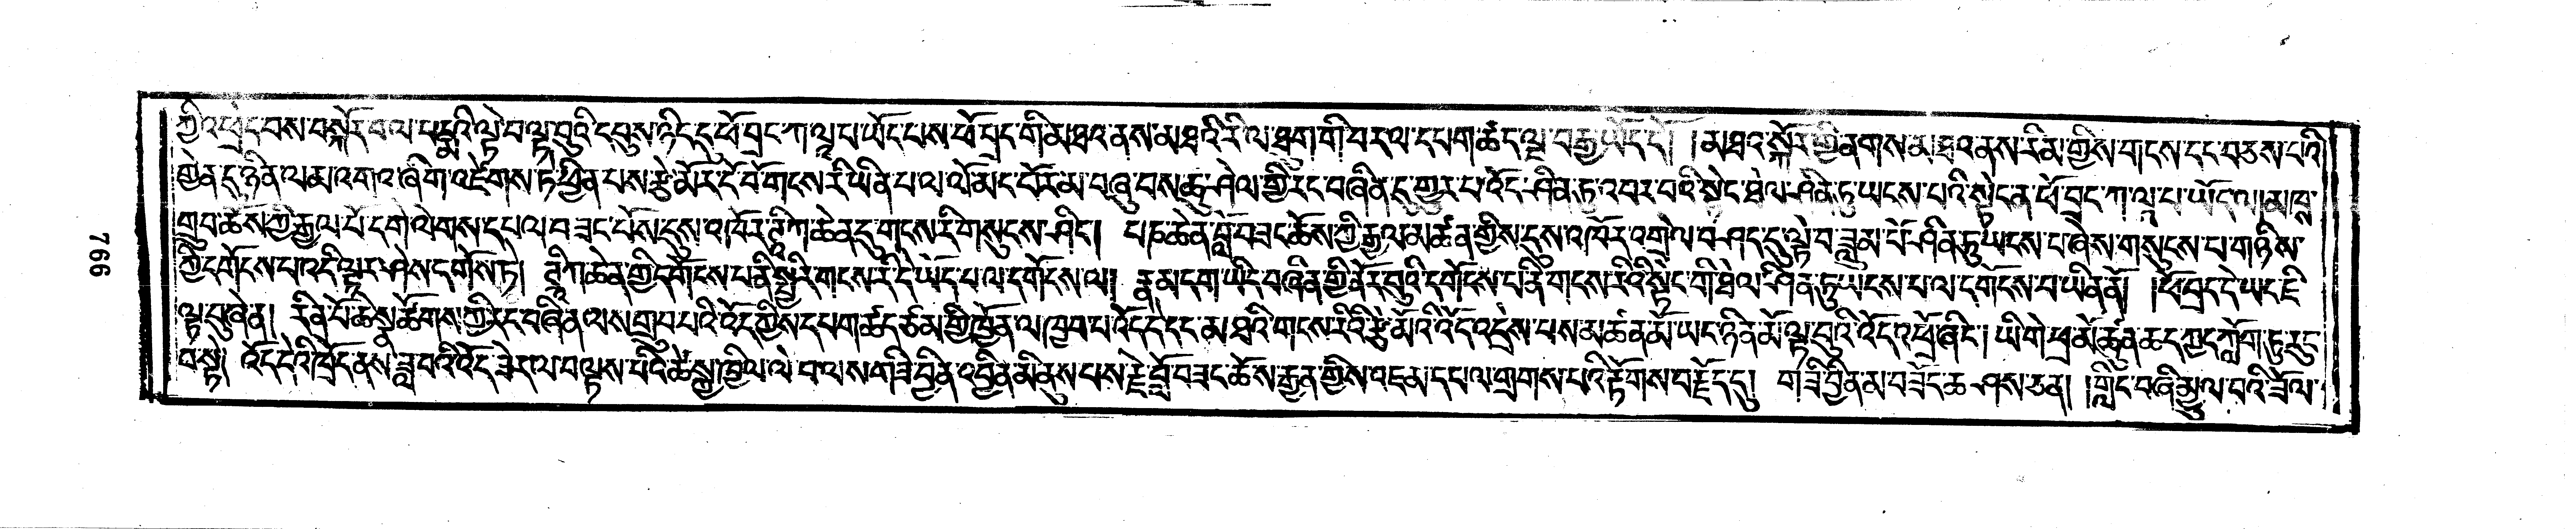ཀྱི་འཕྲེང་བས་བསྐོར་བ་ལ་པདམའི་ལྟེ་བ་ལྟ་བུའི་དབུས་ཉིད་དུ་ཕོ་བྲང་ཀ་ལཱ་པ་ཡོད་པས་ཕོ་བྲང་གི་མཐའ་ནས་མཐའི་རི་ལ་ཐུག་གི་བར་ལ་དཔག་ཚད་ལྔ་བརྒྱ་ཡོད་དོ། །མཐའ་སྐོར་གྱི་ནགས་མཐའ་ནས་རིམ་གྱིས་གངས་དང་བཅས་པའི་
གྱེན་དུ་ཉིན་ལམ་འགའ་ཞིག་འཛེགས་ཏེ་ཕྱིན་པས་རྩེ་མོར་ངོ་བོ་གངས་རི་ཡིན་པ་ལ་ལོ་མང་པོར་མ་བཞུ་བས་ཆུ་ཤེལ་གྱི་རང་བཞིན་དུ་གྱུར་པ་འོད་ཤིན་ཏུ་འབར་བའི་སྟེང་ཐེལ་ཤིན་ཏུ་ཡངས་པའི་སྟེང་ན་ཕོ་བྲང་ཀ་ལཱ་པ་ཡོད་ལ། མཁས་
གྲུབ་ཆོས་ཀྱི་རྒྱལ་པོ་དགེ་ལེགས་དཔལ་བཟང་པོས་དུས་འཁྲོ་ཊཱིཀ་ཆེན་དུ་གངས་རི་གསུངས་ཤིང་། པཎ་ཆེན་བློ་བཟང་ཆོས་ཀྱི་རྒྱལ་མཚན་གྱིས་དུས་འཁོར་འགྲེལ་བཤད་དུ་ལྟེ་བ་ཟླུམ་པོ་ཤིན་ཏུ་ཡངས་པ་ཞེས་གསུངས་པ་གཉིས་
ཀྱི་དགོངས་པ་འདི་ལྟར་ཤེས་དགོས་ཏེ། ཊྲཱིཀ་ཆེན་གྱི་དགོངས་པ་ནི་སྤྱིར་གངས་རི་དེ་ཡོད་པ་ལ་དགོངས་ལ། རྣམ་དག་ཡིད་བཞིན་གྱི་ནོར་བུའི་དགོངས་པ་ནི་གངས་རིའི་སྟེང་གི་ཐེལ་ཤིན་ཏུ་ཡངས་པ་ལ་དགོངས་པ་ཡིན་ནོ། །ཕོ་བྲང་དེ་ཡང་ཇི་
ལྟ་བུ་ཞེ་ན། རིན་པོ་ཆེ་སྣ་ཚོགས་ཀྱི་རང་བཞིན་ལས་གྲུབ་པའི་འོད་ཀྱིས་དཔག་ཚད་ཙམ་གྱི་ཁྱོན་ལ་ཁྱབ་པ་འོད་དེ་དང་མཐའི་གངས་རིའི་རྩེ་མོའི་འོད་འདྲེས་པས་མཚན་མོ་ཡང་ཉིན་མོ་ལྟ་བུའི་འོད་འཕྲོ་ཞིང་། ཡི་གེ་ཕྲ་མོ་ཚུན་ཆད་ཀྱང་ཀློག་ཏུ་རུང་
བ་སྟེ། འོད་དེའི་ཁྲོད་ནས་ཟླ་བའི་འོད་ཟེར་ལ་བལྟས་པའི་ཚེ་སྐྱ་ཁྱིལ་ལེ་བ་ལས་གཟི་བྱིན་འབྱིན་མི་ནུས་པས་རྗེ་བློ་བཟང་ཆོས་རྒྱན་གྱིས་འཇམ་དཔལ་གྲགས་པའི་རྟོགས་བརྗོད་དུ། གཟི་བྱིན་མ་བཟོད་ཆ་ཤས་ཅན། །གླིང་བཞི་མྱུལ་བའི་ཟོལ་